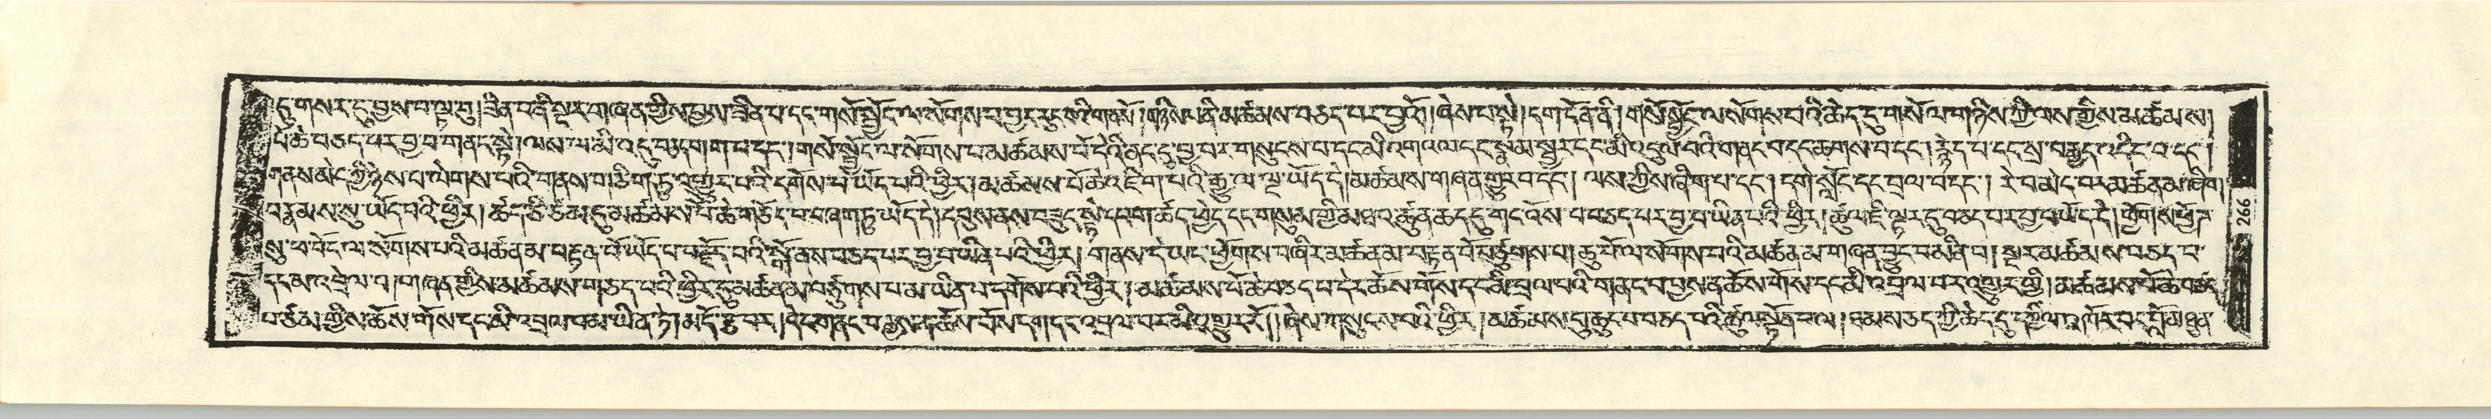དུ་གསར་དུ་བྱས་པ་ལྟ་བུ། ཟིན་པ་ནི་སྔར་གཞན་གྱིས་བྱས་ཟིན་པ་དང་གསོ་སྦྱོང་ལ་སོགས་བ་བྱར་རུང་བའི་གནས་སོ། །གཉིས་པ་ནི་མཚམས་བཅད་པར་བྱའོ། །ཞེས་པ་སྟེ། དག་དོན་ནི། གསོ་སྦྱོང་ལ་སོགས་པའི་ཆེད་དུ་གསོལ་གཉིས་ཀྱི་ལས་ཀྱིས་མཚམས།
པོ་ཆེ་བཅད་པར་བྱ་བ་གནང་སྟེ། ལས་ལ་མི་འདུ་བཅད་གག་པ་དང་། གསོ་སྦྱོང་ལ་སོགས་པ་མཚམས་པོ་དེའི་ནང་དུ་བྱ་བར་གསུངས་པ་དང་མི་འགའ་ལ་དང་སྣམ་སྦྱར་དང་མི་འདུལ་བའི་གནང་བ་དང་ཆགས་པ་དང་། རྙེད་པ་དང་སྲ་བརྒྱད་འདིར་བ་དང་།
གནས་མེད་ཀྱི་ཉེས་པ་ལེགས་པའི་གནས་གཅིག་ཏུ་འགྱུར་པའི་དགོས་པ་ཡོད་པའི་ཕྱིར། མཚམས་པོ་ཆེ་འཇིག་པའི་རྒྱུ་ལ་ལྔ་ཡོད་དེ། མཚམས་གཞན་གྱུར་པ་དང་། ལས་ཀྱིས་ཞིག་པ་དང་། དགེ་སློང་དང་བྲལ་བ་དང་། རེ་བ་མེད་པར་མཚན་མ་ཞིག་
བརྣམས་སུ་ཡོད་པའི་ཕྱིར། ཚད་ཅི་ཙམ་དུ་མཚམས་པོ་ཆེ་གཅོད་པ་བཞག་ཏུ་ཡོད་དེ། དབུས་ནས་བཟུང་སྟེ་དཔག་ཚད་ཕྱེད་དང་གསུམ་གྱི་མཐའ་ཚུན་ཆད་དུ་གང་འོས་པ་བཅད་པར་བྱ་བ་ཡིན་པའི་ཕྱིར། ཚུལ་ཇི་ལྟར་དུ་བཅད་པར་བྱ་བ་ཡོད་དེ། ཕྱོགས་ཕྱོགས་
སུ་ཕ་བོང་ལ་སོགས་པའི་མཚན་མ་བརྟན་པོ་ཡོད་པ་བརྗོད་པའི་སྒོ་ནས་བཅད་པར་བྱ་བ་ཡིན་པའི་ཕྱིར། གནས་དེ་ཡང་ཕྱོགས་བཞིར་མཚན་མ་བརྟན་པོ་བཙུགས་པ། ཆུ་བོ་ལ་སོགས་པའི་མཚན་མ་གཞན་བྱུང་བ་མིན་པ། སྔར་མཚམས་བཅད་པ་
དང་མ་འབྲེལ་བ། གཞན་གྱིས་མཚམས་གཅད་པའི་ཕྱིར་དུ་མཚན་མ་བཙུགས་པ་མ་ཡིན་པ་དགོས་པའི་ཕྱིར། མཚམས་པོ་ཆེ་བཅད་པ་དེར་ཆོས་གོས་དང་མི་བྲལ་བའི་གནང་བ་བྱས་ན་ཆོས་གོས་དང་མི་འབྲལ་བར་འགྱུར་གྱི། མཚམས་པོ་ཆེ་བཙད་
པ་ཙམ་གྱིས་ཆོས་གོས་དང་མི་འབྲལ་བ་མ་ཡིན་ཏེ། མདོ་རྩ་བར། དེང་གནང་བ་རྒྱས་ན་ཆོས་བོས་དག་དང་འབྲལ་བར་མི་འགྱུར་རོ། །ཞེས་གསུངས་པའི་ཕྱིར། མཚམས་དུ། ཆུང་བ་བཅད་པའི་ཚུལ་སྟོན་པ་ལ། ཐམས་ཅད་ཀྱི་ཆེད་དུ་དཀྱིལ་འཁོར་བར་བློ་མཐུན་